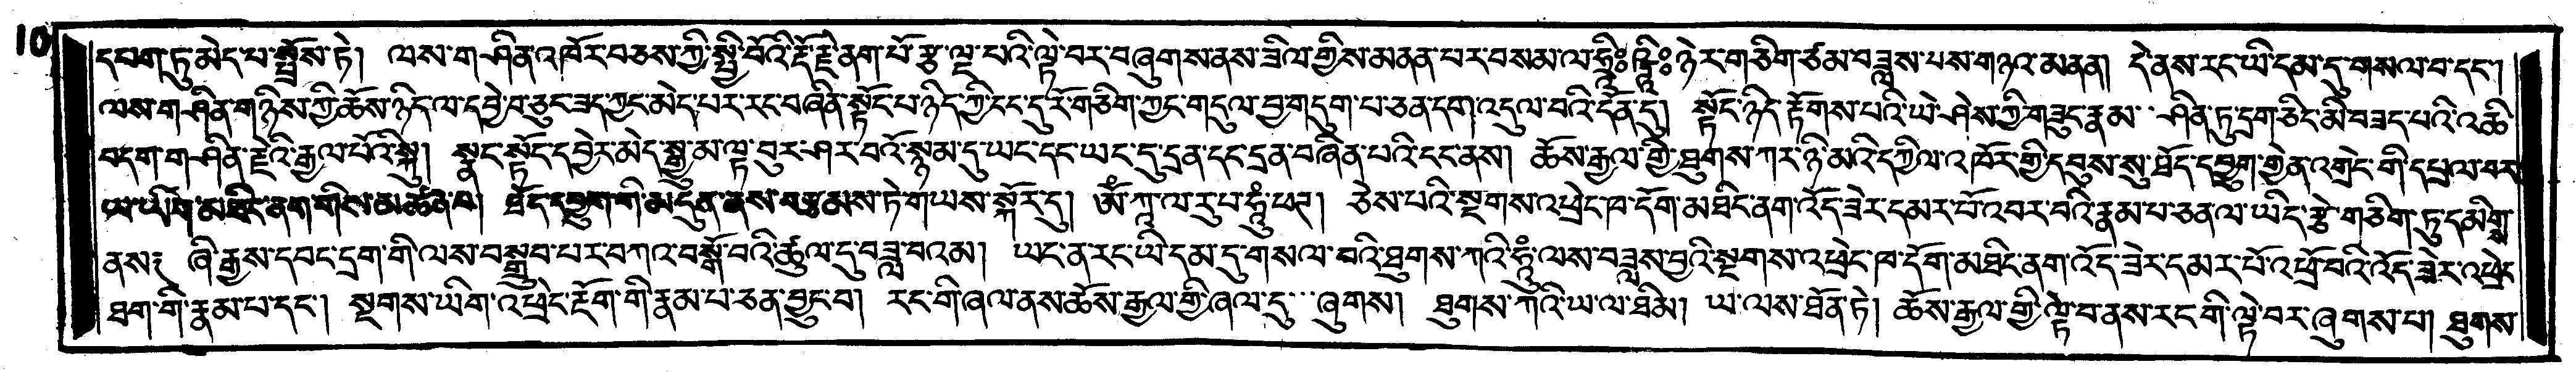དཔག་ཏུ་མེད་པ་སྤྲོས་ཏེ། ལས་གཤིན་འཁོར་བཅས་ཀྱི་སྤྱི་བོའི་རྡོ་རྗེ་ནག་པོ་རྩ་ལྔ་པའི་ལྟེ་བར་བཞུགས་ནས་ཟིལ་གྱིས་མནན་པར་བསམ་ལ་ཧྲཱིཿ ཥྜཱིཿ ཉེར་གཅིག་ཙམ་བཟླས་པས་གཉའ་མནན། དེ་ནས་རང་ཡི་དམ་དུ་གསལ་བ་དང་།
ལས་གཤིན་གཉིས་ཀྱི་ཆོས་ཉིད་ལ་དབྱེ་བ་ཅུང་ཟད་ཀྱང་མེད་པར་རང་བཞིན་སྟོང་པ་ཉིད་ཀྱི་ངང་དུ་རོ་གཅིག་ཀྱང་གདུལ་བྱ་གདུག་པ་ཅན་དག་འདུལ་བའི་དོན་དུ། སྟོང་ཉིད་རྟོགས་པའི་ཡེ་ཤེས་ཀྱི་གཟུང་རྣམ་ཤིན་ཏུ་དྲག་ཅིང་མི་བཟད་པའི་འཆི་
བདག་གཤིན་རྗེའི་རྒྱལ་པོའི་སྐུ། སྣང་སྟོང་དབྱེར་མེད་སྒྱུ་མ་ལྟ་བུར་ཤར་བའོ་སྙམ་དུ་ཡང་དང་ཡང་དུ་དྲན་དང་དྲན་བཞིན་པའི་ངང་ནས། ཆོས་རྒྱལ་གྱི་ཐུགས་ཀར་ཉི་མའི་དཀྱིལ་འཁོར་གྱི་དབུས་སུ་ཐོད་དབྱུག་གྱེན་འགྲེང་གི་དཔྲལ་བར་
ཡ་ཡིག་མཐིང་ནག་གིས་མཚན་པ། ཐོད་དབྱུག་གི་མདུན་ནས་བརྩམས་ཏེ་གཡས་སྐོར་དུ། ཨོཾ་ཀཱ་ལ་རུ་པ་ཧཱུཾ་ཕགས། ཅེས་པའི་སྔགས་འཕྲེང་ཁ་དོག་མཐིང་ནག་འོད་ཟེར་དམར་པོ་འབར་བའི་རྣམ་པ་ཅན་ལ་ཡིད་རྩེ་གཅིག་ཏུ་དམིགས་
ནས༑ ཞི་རྒྱས་དབང་དྲག་གི་ལས་བསྒྲུབ་པར་བཀའ་བསྒོ་བའི་ཚུལ་དུ་བཟླ་བའམ། ཡང་ན་རང་ཡི་དམ་དུ་གསལ་བའི་ཐུགས་ཀའི་ཧཱུཾ་ལས་བཟླས་བྱའི་སྔགས་འཕྲེང་ཁ་དོག་མཐིང་ནག་འོད་ཟེར་དམར་པོ་འཕྲོ་བའི་འོད་ཟེར་འཕྲེང་
ཐག་གི་རྣམ་པ་དང་། སྔགས་ཡིག་འཕྲེང་རྡོག་གི་རྣམ་པ་ཅན་བྱུང་བ། རང་གི་ཞལ་ནས་ཆོས་རྒྱལ་གྱི་ཞལ་དུ་ཞུགས། ཐུགས་ཀའི་ཡ་ལ་ཐིམ། ཡ་ལས་ཐོན་ཏེ། ཆོས་རྒྱལ་གྱི་ལྟེ་བ་ནས་རང་གི་ལྟེ་བར་ཞུགས་པ། ཐུགས་